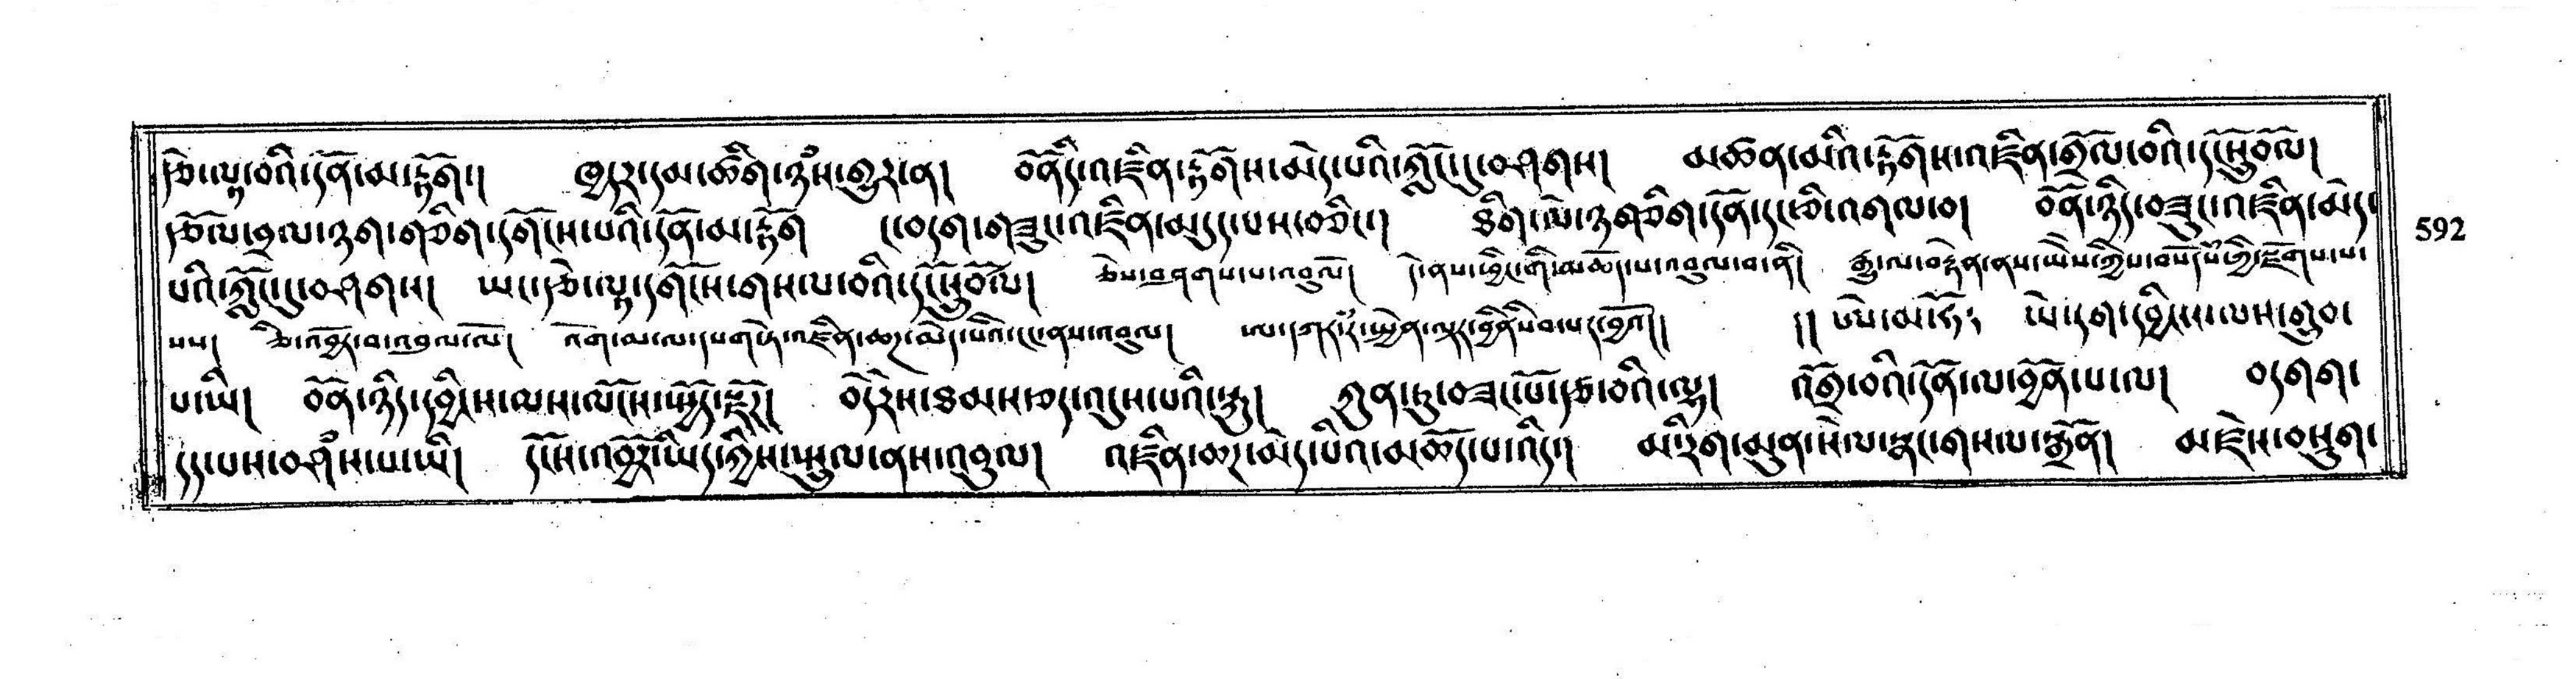རྩེ་ལྟ་བའི་དོན་མ་རྟོག ཁྱད་པར་དམ་ཚིག་ཉམས་གྱུར་ན། བོན་ཉིད་འཛིན་རྟོག་མེད་པའི་ཀློང་དུ་བཤགས། མཚན་མའི་རྟོག་འཛིན་གྲོལ་བའི་དངོས་གྲུབ་སྩོལ། 
རྩོལ་བྲལ་ཉག་གཅིག་དགོངས་པའི་དོན་མ་རྟོགས། ང་བདག་གཟུང་འཛིན་མདུད་པས་བཅིང་། ཐིག་ལེ་ཉག་གཅིག་དོན་དང་ཅི་འགལ་བ། བོན་ཉིད་བཟུང་འཛིན་མེད་
པའི་ཀློང་དུ་བཤགས། ཡང་རྩེ་ལྟ་དགོངས་གསལ་བའི་དངོས་གྲུབ་སྩོལ། ཅེས་བཤགས་པ་འབུལ་ལོ།དེ་ནས་ཕྱི་ནང་གི་མཆོད་པ་འབུལ་བ་ནི། རྒྱུ་ལ་བརྟེན་ནས་ཡེ་ཤེས་ཀྱིས་བསོད་ནམས་ཀྱི་རྫོགས་པ་
པས། ཅི་འབྱོར་བ་འབུལ་ལོ། འོག་མ་ལ་དཔག་ཏེ་འཛིན་ཆགས་མེད་པའི་ངང་ནས་འབུལ། ཨ་དཀར་རམ་སྤྱན་འདྲེན་ལྟར་བྱིན་གྱིས་བརླབ་པར་བྱའོ།། །།ཨེ་མ་ཧོ། ཡེ་དག་དབྱིངས་ལས་གྲུབ་
པ་ཡི། བོན་ཉིད་དབྱིངས་ལས་ལོངས་སྤྱོད་རྫོགས། བདེར་གཤེགས་ཐམས་ཅད་འདུས་པའི་སྐུ། ཀུན་ཏུ་བཟང་པོ་རྩ་བའི་ལྷ། འགྲོ་བའི་དོན་ལ་བྱོན་པ་ལ། བདག་ཅག་
དད་པས་བཤམས་པ་ཡི། དངོས་འབྱོར་ཡིད་ཀྱིས་སྤྲུལ་ནས་འབུལ། འཛིན་ཆགས་མེད་པའི་མཆོད་པ་འདི། མ་རིག་མུན་སེལ་སྣང་གསལ་སྒྲོན། མཛེས་བསྡུག་